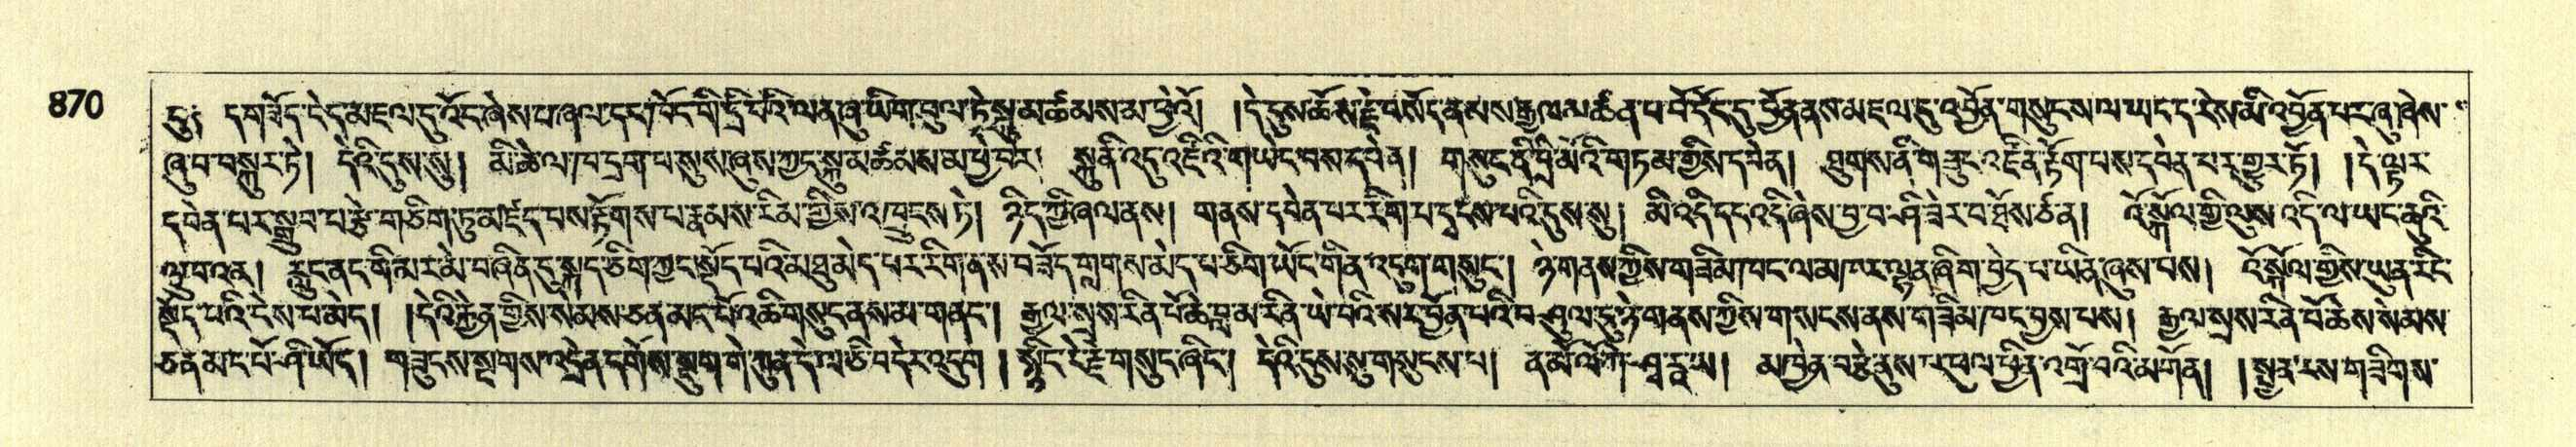དུ༑ ད་གཟོད་ངེད་མཇལ་དུ་འོང་ཞེས་པ་ཞལ་དང་ཁོང་གི་དྲི་པའི་ལན་ཞུ་ཡིག་བུལ་ཏེ་སྐུ་མཚམས་མ་ཕྱེའོ། །དེ་དུས་ཆོས་རྗེ་བསོད་ནམས་རྒྱལ་མཚན་པ་བོ་དོང་དུ་བྱོན་ནས་མཇལ་དུ་འབྱོན་གསུངས་ལ་ཡང་ད་རེས་མི་འབྱོན་པར་ཞུ་ཞེས་
ཞུ་བ་བསྐུར་ཏེ། དེའི་དུས་སུ། མི་ཚེ་ལ་ཁ་དྲག་པ་སུས་ཞུས་ཀྱང་སྐུ་མཚམས་མ་ཕྱེ་བར། སྐུ་ནི་འདུ་འཛིའི་གཡེང་བས་དབེན། གསུང་ནི་བྲི་མོའི་གཏམ་གྱིས་དབེན། ཐུགས་ནི་གཟུང་འཛིན་རྟོག་པས་དབེན་པར་གྱུར་ཏོ། །དེ་ལྟར་
དབེན་པར་སྒྲུབ་པ་རྩེ་གཅིག་ཏུ་མཛད་པས་རྟོགས་པ་རྣམས་རིམ་གྱིས་འཁྲུངས་ཏེ། ཉིད་ཀྱི་ཞལ་ནས། གནས་དབེན་པར་རིག་པ་དྭངས་པའི་དུས་སུ། མི་འདི་དང་འདི་ཞེས་བྱ་བ་ཤི་ཟེར་བ་ཐོས་ཙ་ན། འོ་སྐོལ་གྱི་ལུས་འདི་ལ་ཡང་ཆུའི་
ལཱུ་བའམ། རླུང་ནང་གི་མར་མེ་བཞིན་དུ་སྐད་ཅིག་ཀྱང་སྡོད་པའི་མཐུ་མེད་པར་རིག་ནས་བཟོད་གླགས་མེད་པ་ཅིག་ཡོང་གིན་འདུག་གསུང་། ཉེ་གནས་ཀྱིས་གཟིམ་ཁང་ལ་མཁར་ལྷན་ཞིག་བྱེད་པ་ཡིན་ཞུས་པས། འོ་སྐོལ་གྱིས་ཡུན་རིང་
སྡོད་པའི་ངེས་པ་མེད། །དེའི་རྐྱེན་གྱིས་སེམས་ཅན་མང་པོ་འཆི་གསུང་ནས་མ་གནང་། རྒྱལ་སྲས་རིན་པོ་ཆེ་བླ་མ་རིན་ཡེ་བའི་སར་བྱོན་པའི་བཤུལ་དུ་ཉེ་གནས་ཀྱིས་གསངས་ནས་གཟིམ་ཁང་བྱས་པས། རྒྱལ་སྲས་རིན་པོ་ཆེས་སེམས་
ཅན་མང་པོ་ཤི་ཡོད། གཟུངས་སྔགས་འདྲེན་དགོས་སྡུག་གེ་ཀུན་དེ་ལ་ཅི་བ་དེར་འདུག། སྙིང་རེ་རྗེ་གསུང་ཞིང་། དེའི་དུས་སུ་གསུངས་པ། ན་མོ་ལོ་ཀེ་ཤྭ་རཱ་ཡ། མཁྱེན་བརྩེ་ནུས་པ་ཕུལ་ཕྱིན་འགྲོ་བའི་མགོན། །སྤྱན་རས་གཟིགས་